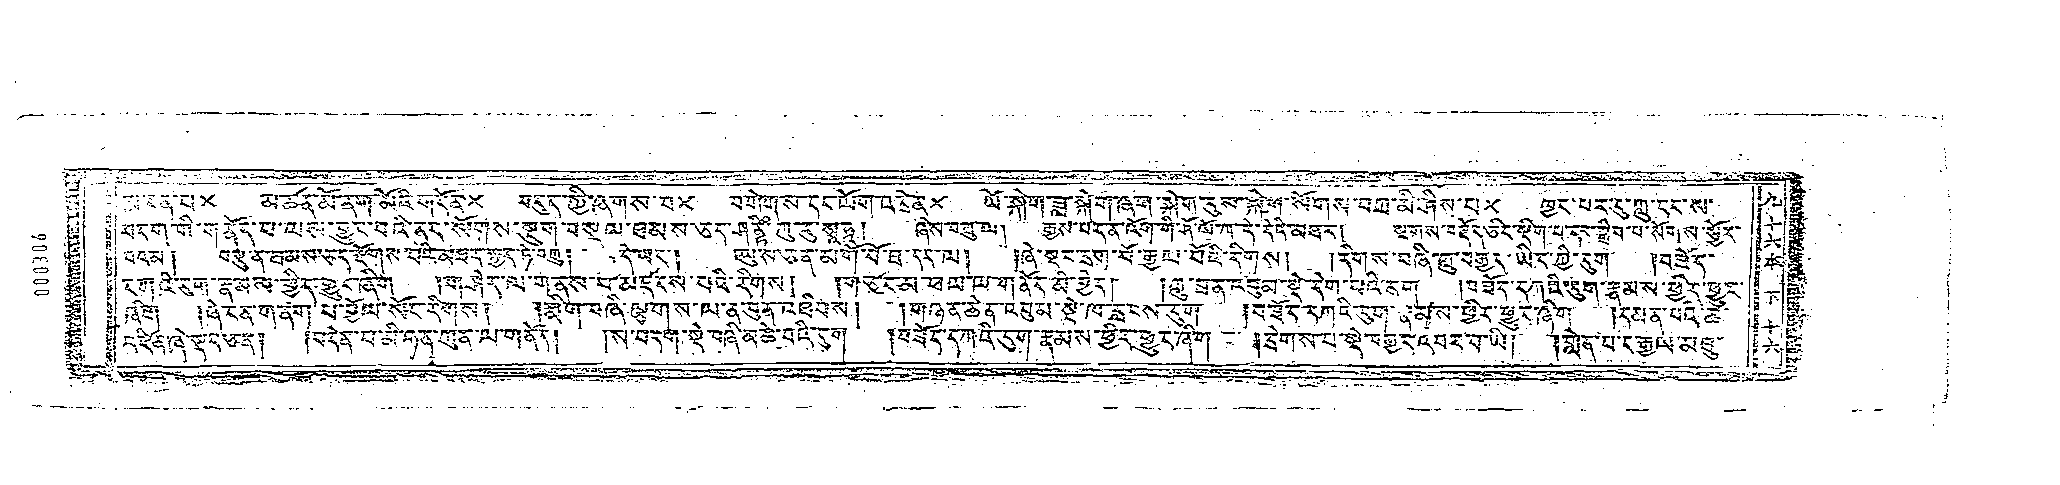མ་དན་པ་྾་མཚན་མོ་ནག་མོའི་གདོན་྾་བདུད་ཀྱི་ཞགས་པ་྾་བགེགས་དང་ལོག་འདྲེན་྾་ལོ་སྐེག་ཟླ་སྐེག་ཞག་སྐེག་དུས་སྐེག་སོགས་བཀྲ་མི་ཤིས་པ་྾་ཁྱད་པར་དུ་ཀླུ་དང་ས་
བདག་གི་གནོད་པ་ལས་བྱུང་བའི་ནད་སོགས་སྡུག་བསྔལ་ཐམས་ཅད་ཤནྟིཾ་ཀུ་རུ་སྭཱཧཱ། ཞེས་བཀྲུ་ལ། །རྒྱས་པར་ན་འོག་གི་ཤོ་ལོ་ཀ་རེ་རེའི་མཐར། །སྡགས་བརྗོད་ཅིང་སྡིག་པ་དང་སྒྲིབ་པ་སོགས་སྦྱོར་
བའམ། བསྡུན་ཐམས་ཅད་རྫོགས་པའི་མཐར་སྦྱར་ཏེ་བཀྲུ། དེ་ཡང་། །ལུས་ཅན་མགོ་བོ་ཐ་དང་ལ། །ཞེ་སྡང་དྲེག་པོ་རྒྱལ་པོའི་རིགས། །རིགས་བཞི་ཀླུ་བརྒྱད་ཡིད་ཀྱི་དུག །བཟོད་
དཀའི་དུག་རྣམས་ཕྱིད་ཕྱུང་ཞིག །གཤེར་ལ་གནས་བ་མཛངས་པའི་རིགས། །གཙང་མ་ཕལ་ལ་གནོད་མི་བྱེད། །ཀླུ་བྲན་འབུམ་སྡེ་རེག་པའི་དུག །བཟོད་དཀའི་དུག་རྣམས་ཕྱིར་ཕྱུང་
ཞིག །ཞེ་ངན་གནག་པ་བྱོལ་སོང་རིགས། །རྨིག་བཞི་ལྕགས་ལ་ན་བུན་འཐིབས། །གཉན་ཆེན་འབུམ་སྡེ་རླངས་དུག །བཟོད་དཀའི་དུག་རྣམས་ཕྱིར་ཕྱུང་ཞིག །དམར་བའི་ཚེ་
འཛིན་ཞེ་སྡང་ཅན། །བདེན་པ་མི་ཉན་ཀུན་ལ་གནོད། །ས་བདག་སྡེ་བཞི་མཆེ་བའི་དུག །བཟོད་དཀའི་དུག་རྣམས་ཕྱིར་ཕྱུད་ཞིག །དྲེགས་པ་སྡེ་བརྒྱད་འབར་བ་ཡི། །གླེན་པ་ང་རྒྱལ་མཐུ་